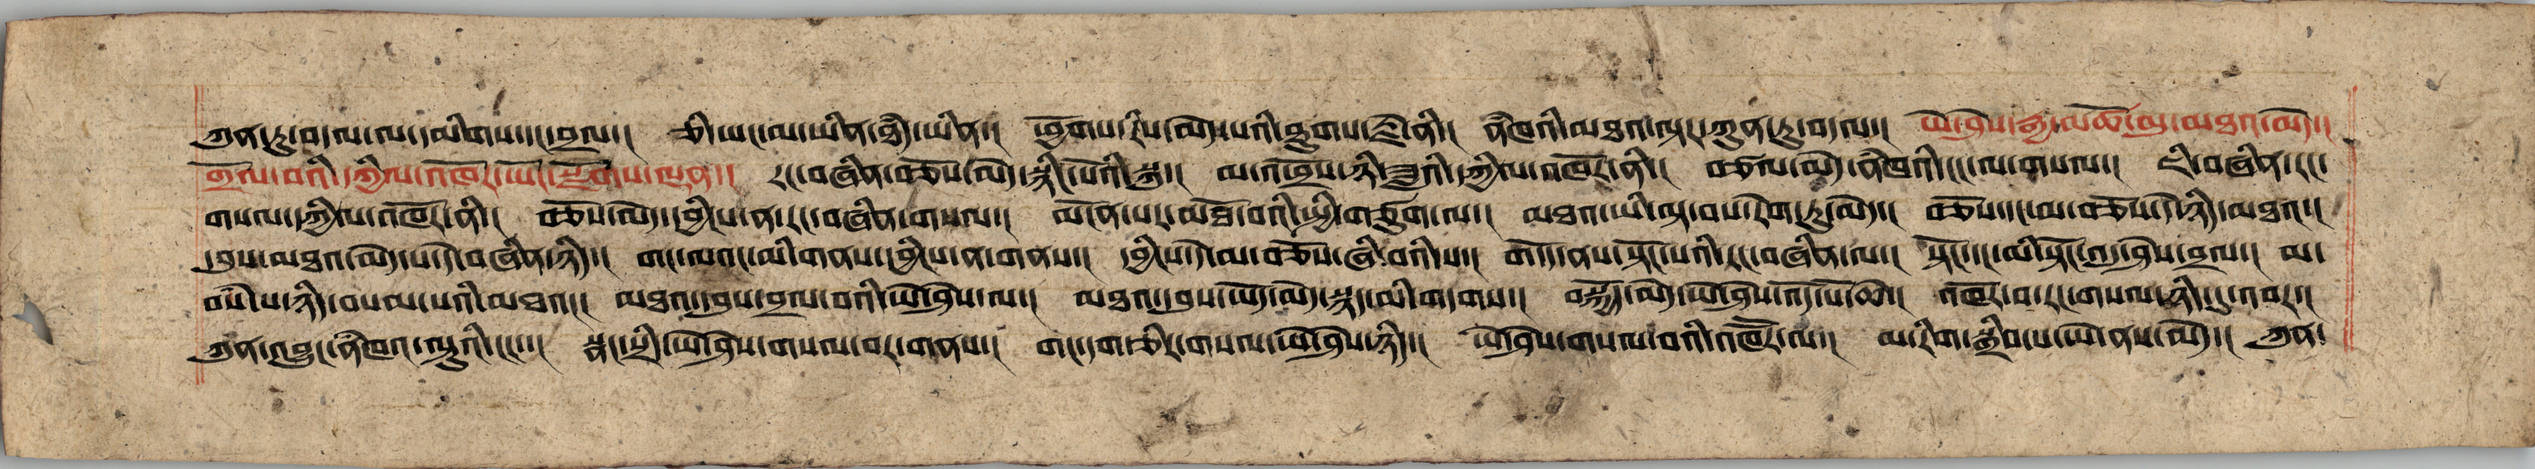ཀུན་ཏུ་བདལ་ལ་དམིགས་དང་བྲལ་། ཅི་ཡང་མ་ཡིན་ཐཾད་ཡིན་། ཕྱོགས་རིས་མེད་པའི་ཐུགས་རྗེ་ནི་། ནཾཁའི་མཐའ་ལྟར་ཀུན་ཏུ་བདལ་། ཡེ་ཤེས་རྒྱ་མཚོ་མུ་མཐའ་མེད་།
གྲོལ་བའི་དཀྱིལ་འཁོར་ཡོང་སྫོགས་ལྡན་། རང་བཞིན་བཅོས་མེད་སྙིང་པོའི་སྐུ་། མ་འཕྲོས་ཉི་ཟླའི་དཀྱིལ་འཁོར་ནི་། བཙལ་མེད་ནཾཁའི་ངང་ལ་གསལ་། ཇི་བཞིན་རང་
གསལ་དཀྱིལ་འཁོར་ནི་། བཅོས་མེད་དབྱིངས་ན་རང་བཞིན་གསལ་། མངོན་པར་མཐོ་བའི་སྤྱི་གཙུག་ལ་། མཐའ་ཡི་ལྟ་བས་རེག་ཏུ་མེད་། བཅོས་དང་མ་བཅོས་དེ་ཉིད་མཐའ་།
དབུས་མཐའ་མཻད་པ་དེ་བཞིན་ཉིད་། གང་ལའང་མི་གནས་དབྱིངས་ན་གནས་། དབྱིངས་དེ་མ་བཅོས་ཞི་བའི་ས་། གདོད་ནས་སྟོང་པའི་རང་བཞིན་ལ་། སྟོང་དང་མི་སྟོང་འདུ་ཤེས་བྲལ་། མ་
བསཾ་པ་ཉིད་བསམ་པའི་མཐའ།།། མཐའ་དབུས་བྲལ་བའི་ཡེ་ཤེས་ལ་། མཐའ་དབུས་ཡོད་མེད་སྙད་མི་གདགས་། བསྐྱོད་མེད་ཡེ་ཤེས་འོད་པོ་ཆེ་། འཁོར་བ་རང་གསལ་ཉིད་དུ་འབར་།
ཀུན་འབྱུང་ནཾཁའ་ལྟུའི་ངང་་། སྣང་སྲིད་ཡེ་ཤེས་གསལ་བར་གནས་། གང་དག་ཅིར་གསལ་ཡེ་ཤེས་ཉིད་། ཡེ་ཤེས་གསལ་བའི་འཁཽར་ལ་། མ་རིག་སྒྲིབ་པ་ཡེ་ནས་མེད་། ཀུན་